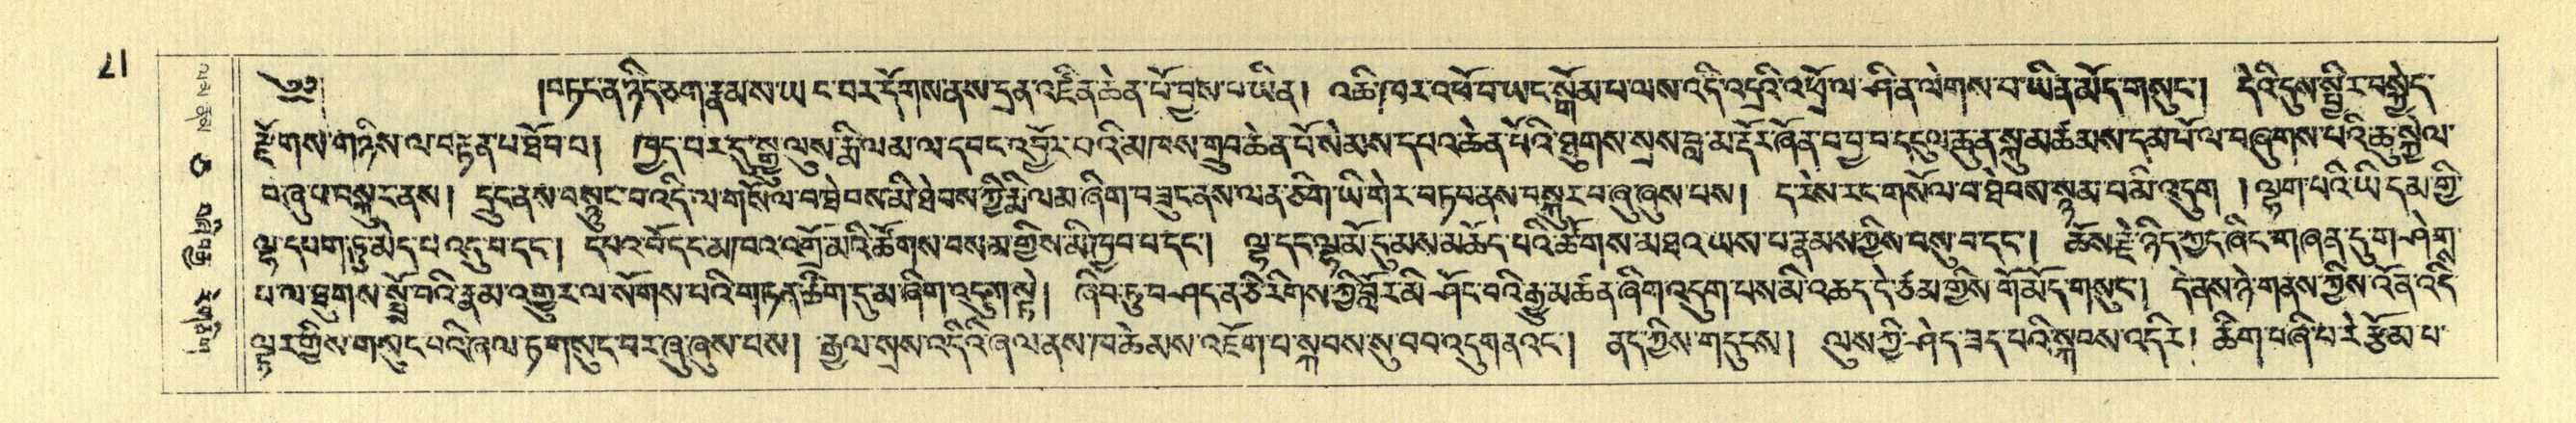༄༅། །བཏང་ན་ཉིད་ཅག་རྣམས་ཡང་བར་དོགས་ནས་དྲན་འཛིན་ཆེན་པོ་བྱས་པ་ཡིན། འཆི་ཁར་འཕོ་བ་ཡང་སྒོམ་པ་ལས་འདི་འདྲའི་འཕྲོ་ལ་ཤི་ན་ལེགས་བ་ཡིན་མོད་གསུང་། དེའི་དུས་སྤྱིར་བསྐྱེད་
རྫོགས་གཉིས་ལ་བརྟན་པ་ཐོབ་པ། ཁྱད་པར་དུ་སྒྱུ་ལུས་རྨི་ལམ་ལ་དབང་འབྱོར་བའི་མཁས་གྲུབ་ཆེན་པོ་སེམས་དཔའ་ཆེན་པོའི་ཐུགས་སྲས་བླ་མ་རྡོར་ཞོན་བ་བྱ་བ་དངུལ་ཆུ་ན་སྐུ་མཚམས་དམ་པོ་ལ་བཞུགས་པའི་ཆུ་སྐྱེལ་
བ་ཞུ་པ་བསྐུར་ནས། དྲུང་ནས་བསྙུང་བ་འདི་ལ་གསོལ་བ་ཐེབས་མི་ཐེབས་ཀྱི་རྨི་ལམ་ཞིག་བཟུང་ནས་ལན་ཅིག་ཡི་གེར་བཏབ་ནས་བསྐུར་བ་ཞུ་ཞུས་པས། ད་རེས་རང་གསོལ་བ་ཐེབས་སྙམ་པ་མི་འདུག །ལྷག་པའི་ཡི་དམ་གྱི་
ལྷ་དཔག་ཏུ་མེད་པ་འདུ་པ་དང་། དཔའ་བོ་དང་མཁའ་འགྲོ་མའི་ཚོགས་བསམ་གྱིས་མི་ཁྱབ་པ་དང་། ལྷ་དང་ལྷ་མོ་དུ་མས་མཆོད་པའི་ཚོགས་མཐའ་ཡས་བ་རྣམས་ཀྱིས་བསུ་བ་དང་། ཆོས་རྗེ་ཉིད་ཀྱང་ཞིང་གཞན་དུ་གཤེགས་
པ་ལ་ཐུགས་སྤྲོ་བའི་རྣམ་འགྱུར་ལ་སོགས་པའི་གཏན་ཚིག་དུ་མ་ཞིག་འདུག་སྟེ། ཞིབ་ཏུ་བཤད་ན་ཅི་རིགས་ཀྱི་བློར་མི་ཤོང་བའི་རྒྱུ་མཚན་ཞིག་འདུག་པས་མི་འཆད་དེ་ཙམ་གྱིས་གོ་མོད་གསུང་། དེ་ནས་ཉེ་གནས་ཀྱིས་འོན་འདི་
ལྟར་གྱིས་གསུང་བའི་ཞལ་ཏ་གསུང་བར་ཞུ་ཞུས་པས། རྒྱལ་སྲས་འདིའི་ཞལ་ནས་ཁ་ཆེམས་འཇོག་པ་སྐབས་སུ་བབ་འདུག་ནའང་། ནད་ཀྱིས་གདུངས། ལུས་ཀྱི་ཤེད་ཟད་པའི་སྐབས་འདིར། ཚིག་བཞི་པ་རེ་རྩོམ་པ་